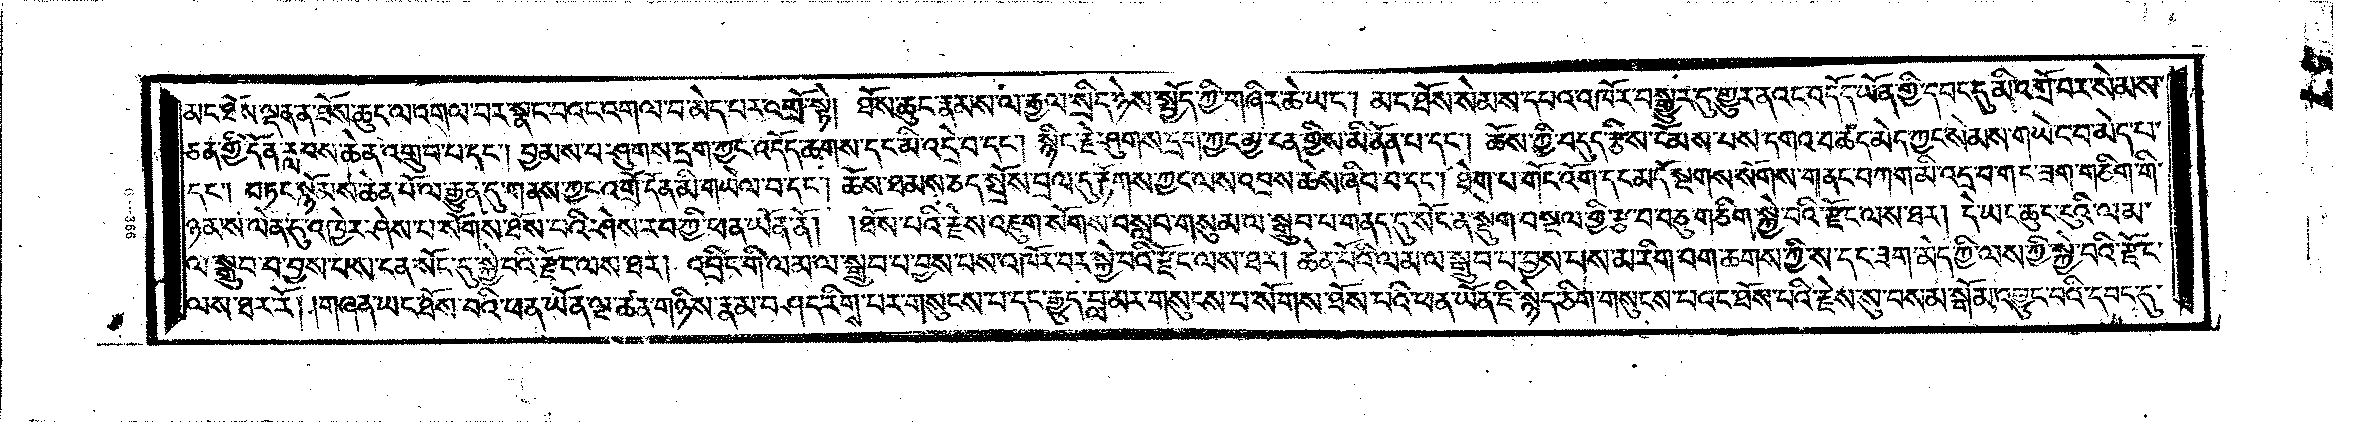མང་ཐོས་ལྡན་ན་ཐོས་ཆུང་ལ་འགལ་བར་སྣང་བའང་འགལ་བ་མེད་པར་འགྲོ་སྟེ། ཐོས་ཆུང་རྣམས་ལ་རྒྱལ་སྲིད་ཉེས་སྤྱོད་ཀྱི་གཞིར་ཆེ་ཡང་། མང་ཐོས་སེམས་དཔའ་འཁོར་བསྒྱུར་དུ་གྱུར་ནའང་འདོད་ཡོན་གྱི་དབང་དུ་མི་འགྲོ་བར་སེམས་
ཅན་གྱི་དོན་རླབས་ཆེན་འགྲུབ་པ་དང་། བྱམས་པ་ཤུགས་དྲག་ཀྱང་འདོད་ཆགས་དང་མི་འདྲེ་བ་དང་། སྙིང་རྗེ་ཤུགས་དྲག་ཀྱང་མྱ་ངན་གྱིས་མི་ནོན་པ་དང་། ཆོས་ཀྱི་བདུད་རྩིས་ངོམ་ས་བས?་དགའ་བ་ཚད་མེད་ཀྱང་སེམས་གཡེང་བ་མེད་པ་
དང་། བཏང་སྙོམས་ཆེན་པོ་ལ་རྒྱུན་དུ་གནས་ཀྱང་འགྲོ་དོན་མི་གཡོལ་བ་དང་། ཆོས་ཐམས་ཅད་སྤྲོས་བྲལ་དུ་རྟོགས་ཀྱང་ལས་འབྲས་ཆེས་ཞིབ་བ་དང་། ཐེག་པ་གོང་འོག་དང་མདོ་སྔགས་སོགས་གནང་བཀག་མི་འདྲ་བ་གང་ཟག་གཅིག་གི་
ཉམས་ལེན་དུ་འཁྱེར་ཤེས་པ་སོགས་ཐོས་པའི་ཤེས་རབ་ཀྱི་ཕན་ཡོན་ནོ། །ཐོས་པའི་རྗེས་འཇུག་སོགས་བསླབ་གསུམ་ལ་སྒྲུབ་པ་གནད་དུ་སོང་ན་སྡུག་བསྔལ་གྱི་རྩ་བ་བཅུ་གཅིག་སྐྱེ་བའི་རྫོང་ལས་ཐར། དེ་ཡང་ཆུང་ངུའི་ལམ་
ལ་སྒྲུབ་བ་བྱས་པས་ངན་སོང་དུ་སྐྱེ་བའི་རྫོང་ལས་ཐར། འབྲིང་གི་ལམ་ལ་སྒྲུབ་པ་བྱས་པས་འཁོར་བར་སྐྱེ་བའི་རྫོང་ལས་ཐར། ཆེན་པོའི་ལམ་ལ་སྒྲུབ་པ་བྱས་པས་མ་རིག་བག་ཆགས་ཀྱི་ས་དང་ཟག་མེད་ཀྱི་ལས་ཀྱི་སྐྱེ་བའི་རྫོང་
ལས་ཐར་རོ། །གཞན་ཡང་ཐོས་པའི་ཕན་ཡོན་ལྔ་ཚན་གཉིས་རྣམ་བཤད་རིགས་པར་གསུངས་པ་དང་རྒྱུད་བླ་མར་གསུངས་པ་སོགས་ཐོས་པའི་ཕན་ཡོན་ཇི་སྙེད་ཅིག་གསུངས་པའང་ཐོས་པའི་རྗེས་སུ་བསམ་སྒོམ་འབྱུང་བའི་དབང་དུ་